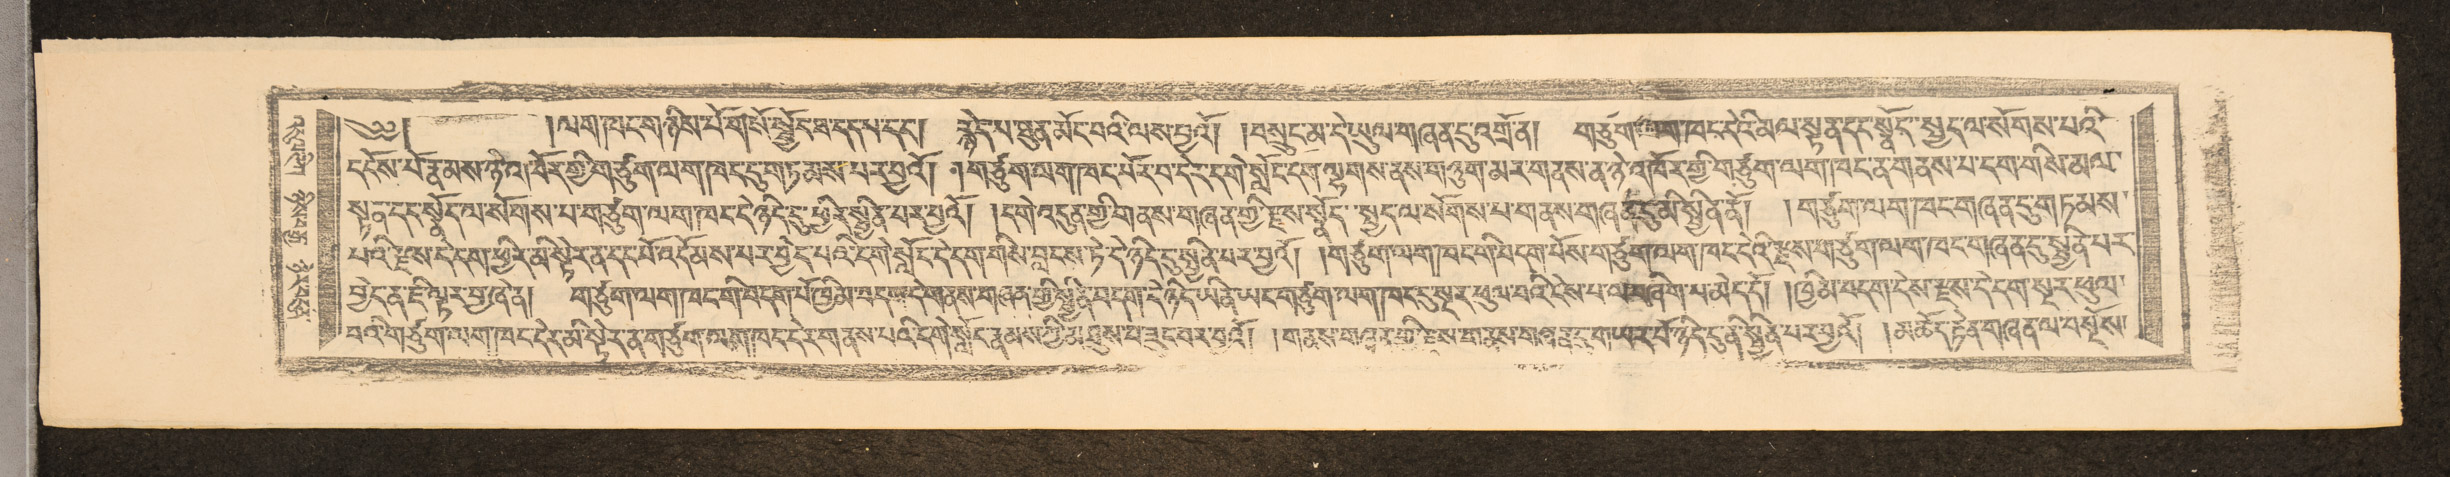༄༅། །ལག་ཁང་གཉིས་པོ་གསོ་སྦྱོང་ཐ་དད་པ་དང་། རྙེད་པ་ཐུན་མོང་བའི་ལས་བྱའོ། །བསྲུང་མ་དེ་ཡུལ་གཞན་དུ་འགྲོ་ན། གཙུག་ལག་ཁང་དེའི་མལ་སྟན་དང་སྣོད་སྦྱང་ལ་སོགས་པའི་
དངོས་པོ་རྣམས་ཉེ་འཁྲོ་གྱི་གཙུག་ལག་ཁང་དུ་གཏམས་པར་བྱའོ། །གཙུག་ལག་ཁང་བོར་བ་དེར་དགེ་སློང་དག་ལྷགས་ནས་གཉུག་མར་གནས་ན་ཉེ་འཁོར་གྱི་གཙུག་ལག་ཁང་ན་གནས་པ་དག་གིས་མལ་
སྟན་དང་སྣོད་ལ་སོགས་པ་གཙུག་ལག་ཁང་དེ་ཉིད་དུ་ཕྱིར་སྦྱིན་པར་བྱའོ། །དགེ་འདུན་གྱི་གནས་གཞན་གྱི་རྫས་སྣོད་སྤྱད་ལ་སོགས་པ་གནས་གཞན་དུ་མི་སྦྱིན་ནོ། །གཙུག་ལག་ཁང་གཞན་དུ་གཏམས་
པའི་རྫས་དེ་དག་ཕྱིར་མི་སྟེར་ན་དང་པོ་འདོམས་པར་བྱེད་པའི་དགེ་སློང་དེ་དག་གིས་བླངས་ཏེ་དེ་ཉིད་དུ་སྦྱིན་པར་བྱའོ། །གཙུག་ལག་ཁང་གི་བདག་པོས་གཙུག་ལག་ཁང་དེའི་རྫས་གཙུག་ལག་ཁང་གཞན་དུ་སྦྱིན་པར་
བྱེད་ན་ཇི་ལྟར་བྱ་ཞེ་ན། གཙུག་ལག་ཁང་གི་བདག་པོ་ཁྱིམ་བདག་དེ་གནས་གཞན་གྱི་སྦྱིན་བདག་དེ་ཉིད་ཡིན་ཡང་གཙུག་ལག་ཁང་དུ་སྔར་ཕུལ་བའི་ངེས་པ་ལ་བཞིག་པ་མེད་དོ། །ཁྱིམ་བདག་དེས་རྫས་དེ་དག་སྔར་ཕུལ་
བའི་གཙུག་ལག་ཁང་དེར་མི་སྟེར་ན་གཙུག་ལག་ཁང་དེར་གནས་པའི་དགེ་སློང་རྣམས་ཀྱི་མཐུས་བཟུང་བར་བྱའོ། །གནས་གཞན་གྱི་རྫས་གནས་གཞན་དུ་གཡར་པོ་ཉིད་དུ་ནི་སྦྱིན་པར་བྱའོ། །མཆོད་རྟེན་གཞན་ལ་བསྡོས་